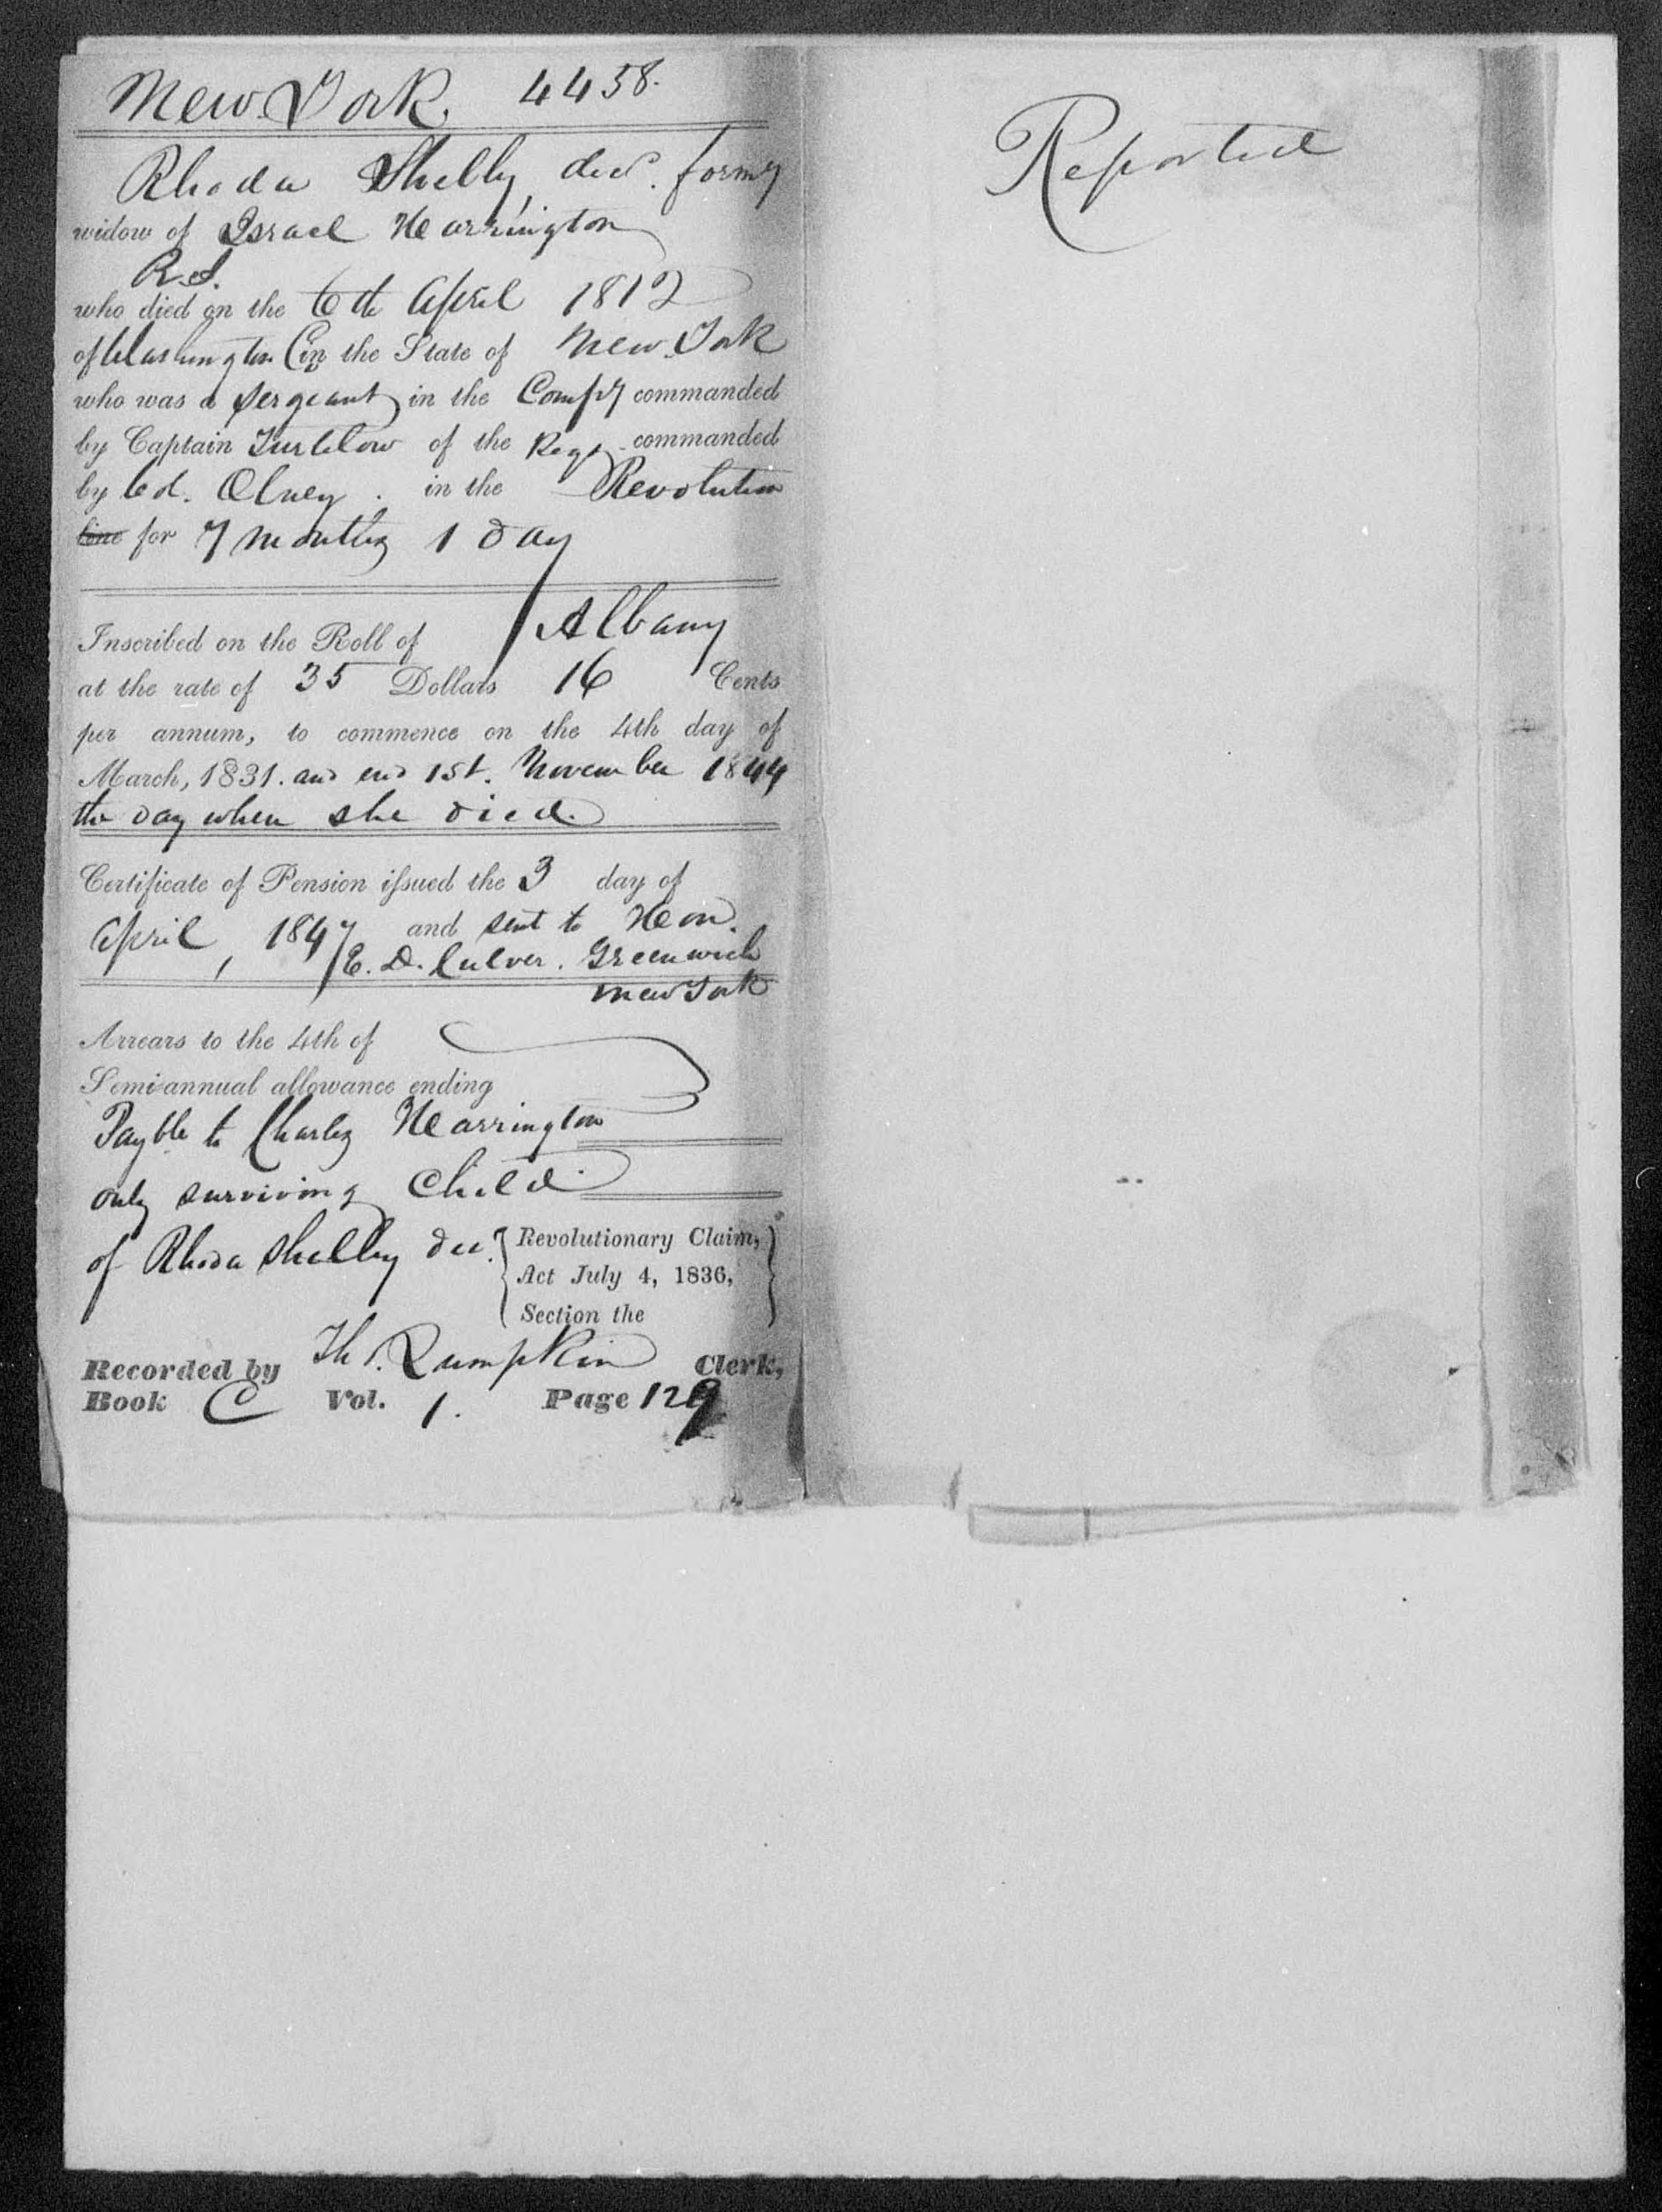New York 4458

Rhoda Shelly, decd [deceased] formy [formerly] widow of Israel Harrington R.I. who died on the 6th April 1812 of Washington Co in the State of New York who was a sergeant in the Compy [Company] commanded by Captain Turtelow of the Reg. commanded by Col. Olney in the Revolution ["line" crossed out] for 7 months 1 day

Inscribed on the Roll of Albany at the rate of 35 Dollars 16 Cents per annum, to commence on the 4th day of March 1831 and end 1st November 1844 the Day when she died.

Certificate of Pension issued the 3 day of April, 1847 and sent to Hon. E. D. Culver, Greenwich New York

Arrears to the 4th of [blank]
Semiannual allowance ending [blank]
Payable to Charles Harrington only surviving child of Rhoda Shelly dec.

Recorded by Th. Lumpkin Clerk,
Book C Vol. 1 Page 129


Reported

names: Turtelow, Th Lumpkin, Olney, E D Culver, Israel Harrington, Charles Harrington, Rhoda Shelby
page: 2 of 51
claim: widow's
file: W. 19,026, Israel Harrington, R.I.